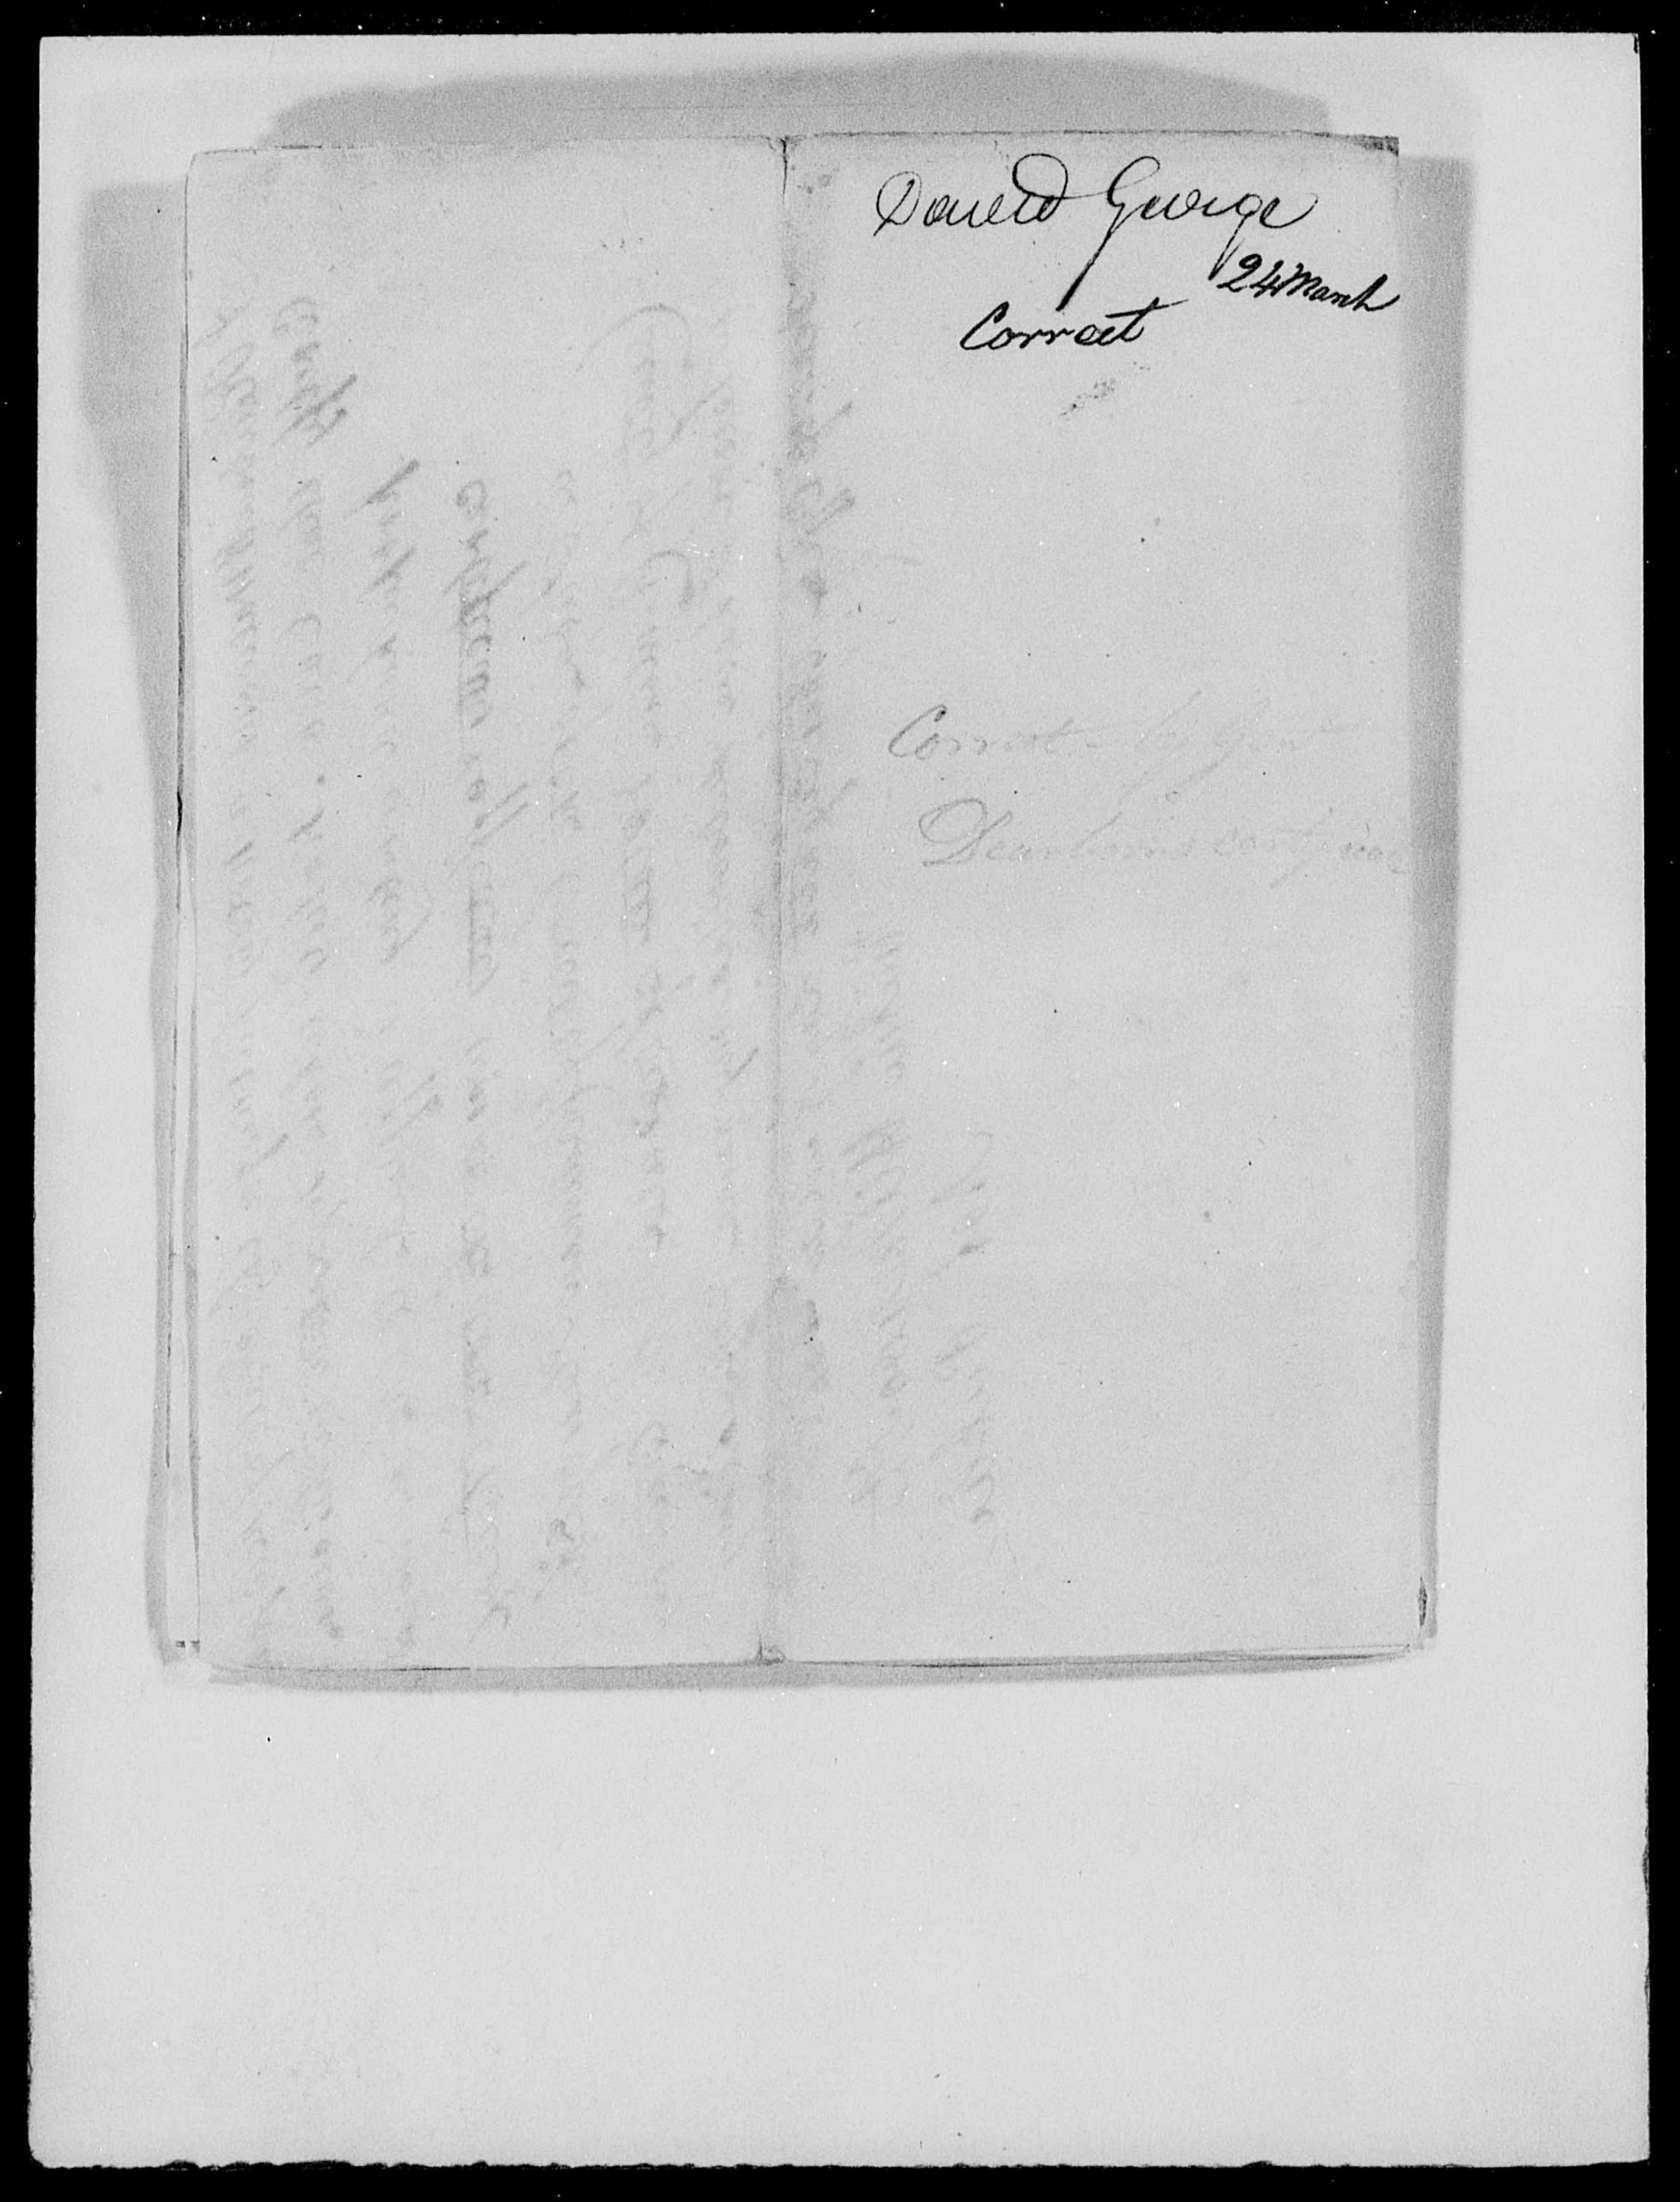David George 
24 March 
Correct 

(faint)
Correct by Gant?
Dearborns certificate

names: David George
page: 9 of 18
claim: survivor's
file: S. 39568, David George, N.H.